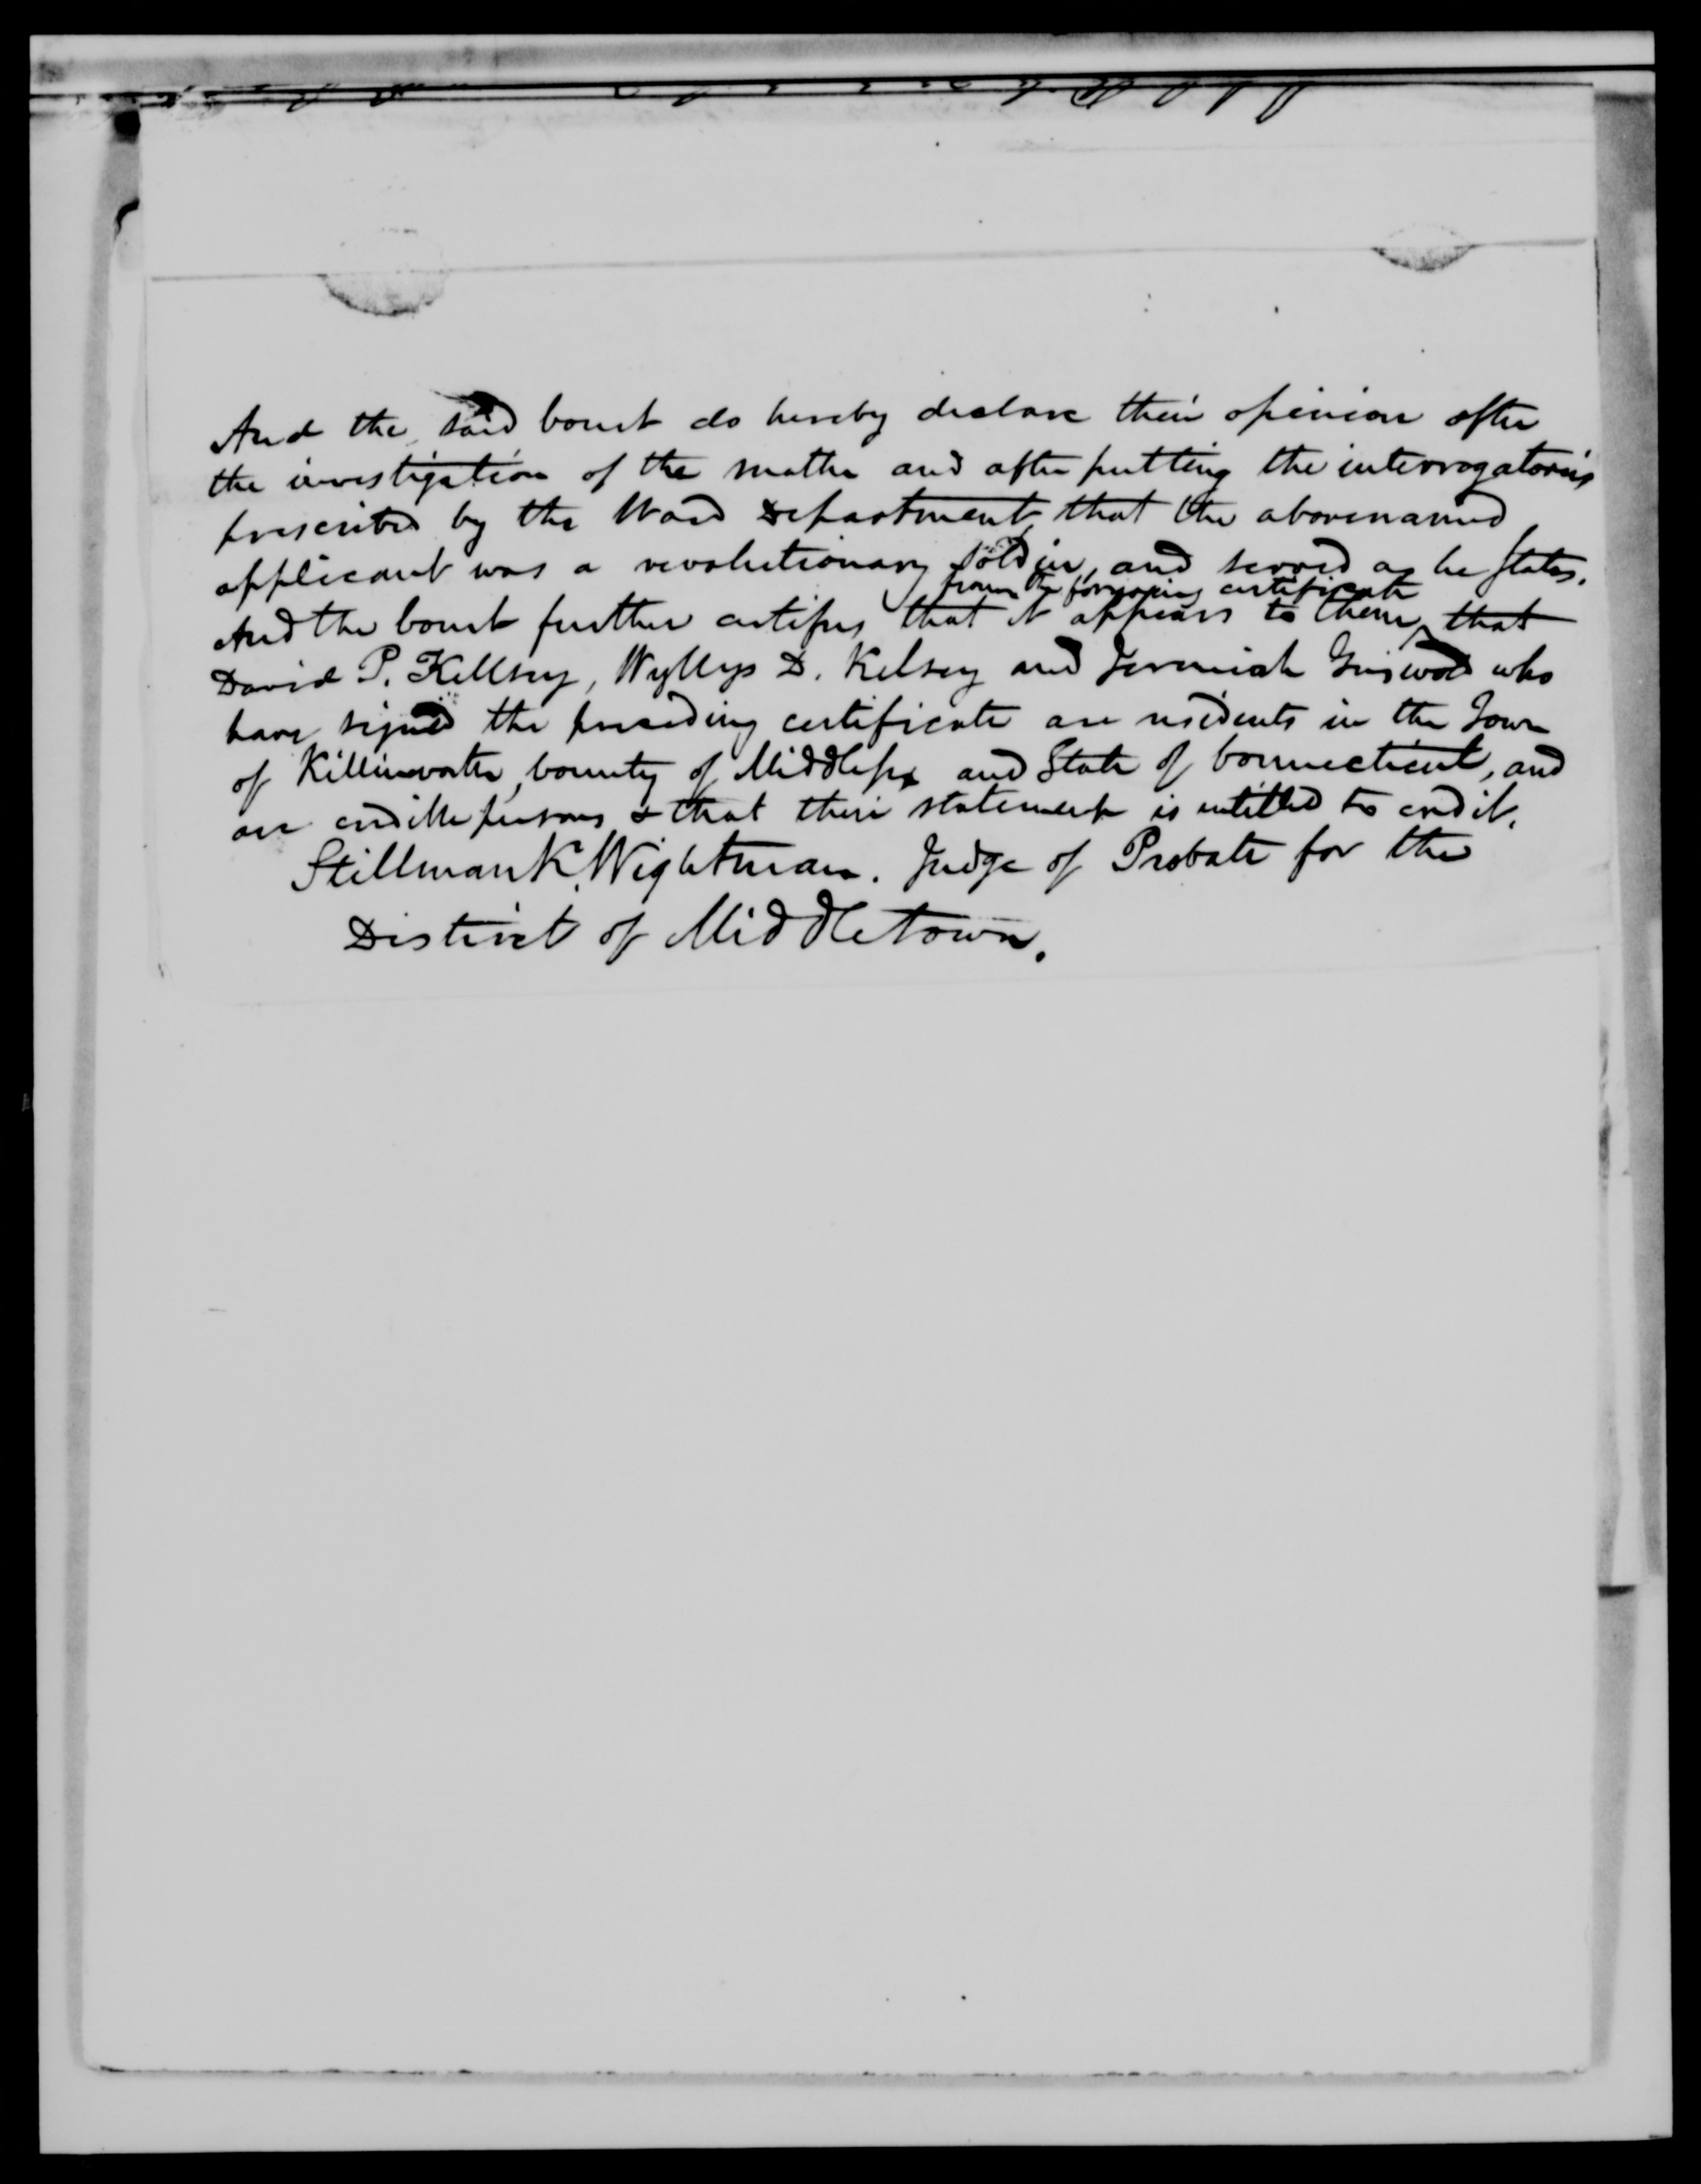And the said Court do hereby declare their opinion after the investigaton of the matter and after putting the interrogatories prescribed by the War Department that the abovenamed applicant was a revolutionary soldier and served as he states. And the Court further certifies that it appears to them from the foregoing certificate that David P Kellsey, Wyllys D Kelsey and Jeremiah Griswold who have signed the preseding certificate are residents in the Town of Killinworth, County of Middlesex and State of Connecticut, and are credible persons & that their statement is entitled to credit. Stillman K Wightman. Judge of Probate for the District of Middletown.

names: Stillman K Wightman, Wyllys D Kelsey, David P Kellsey, Jeremiah Griswold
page: 23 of 46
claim: widow's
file: W. 18,417, James Willcox, Conn.